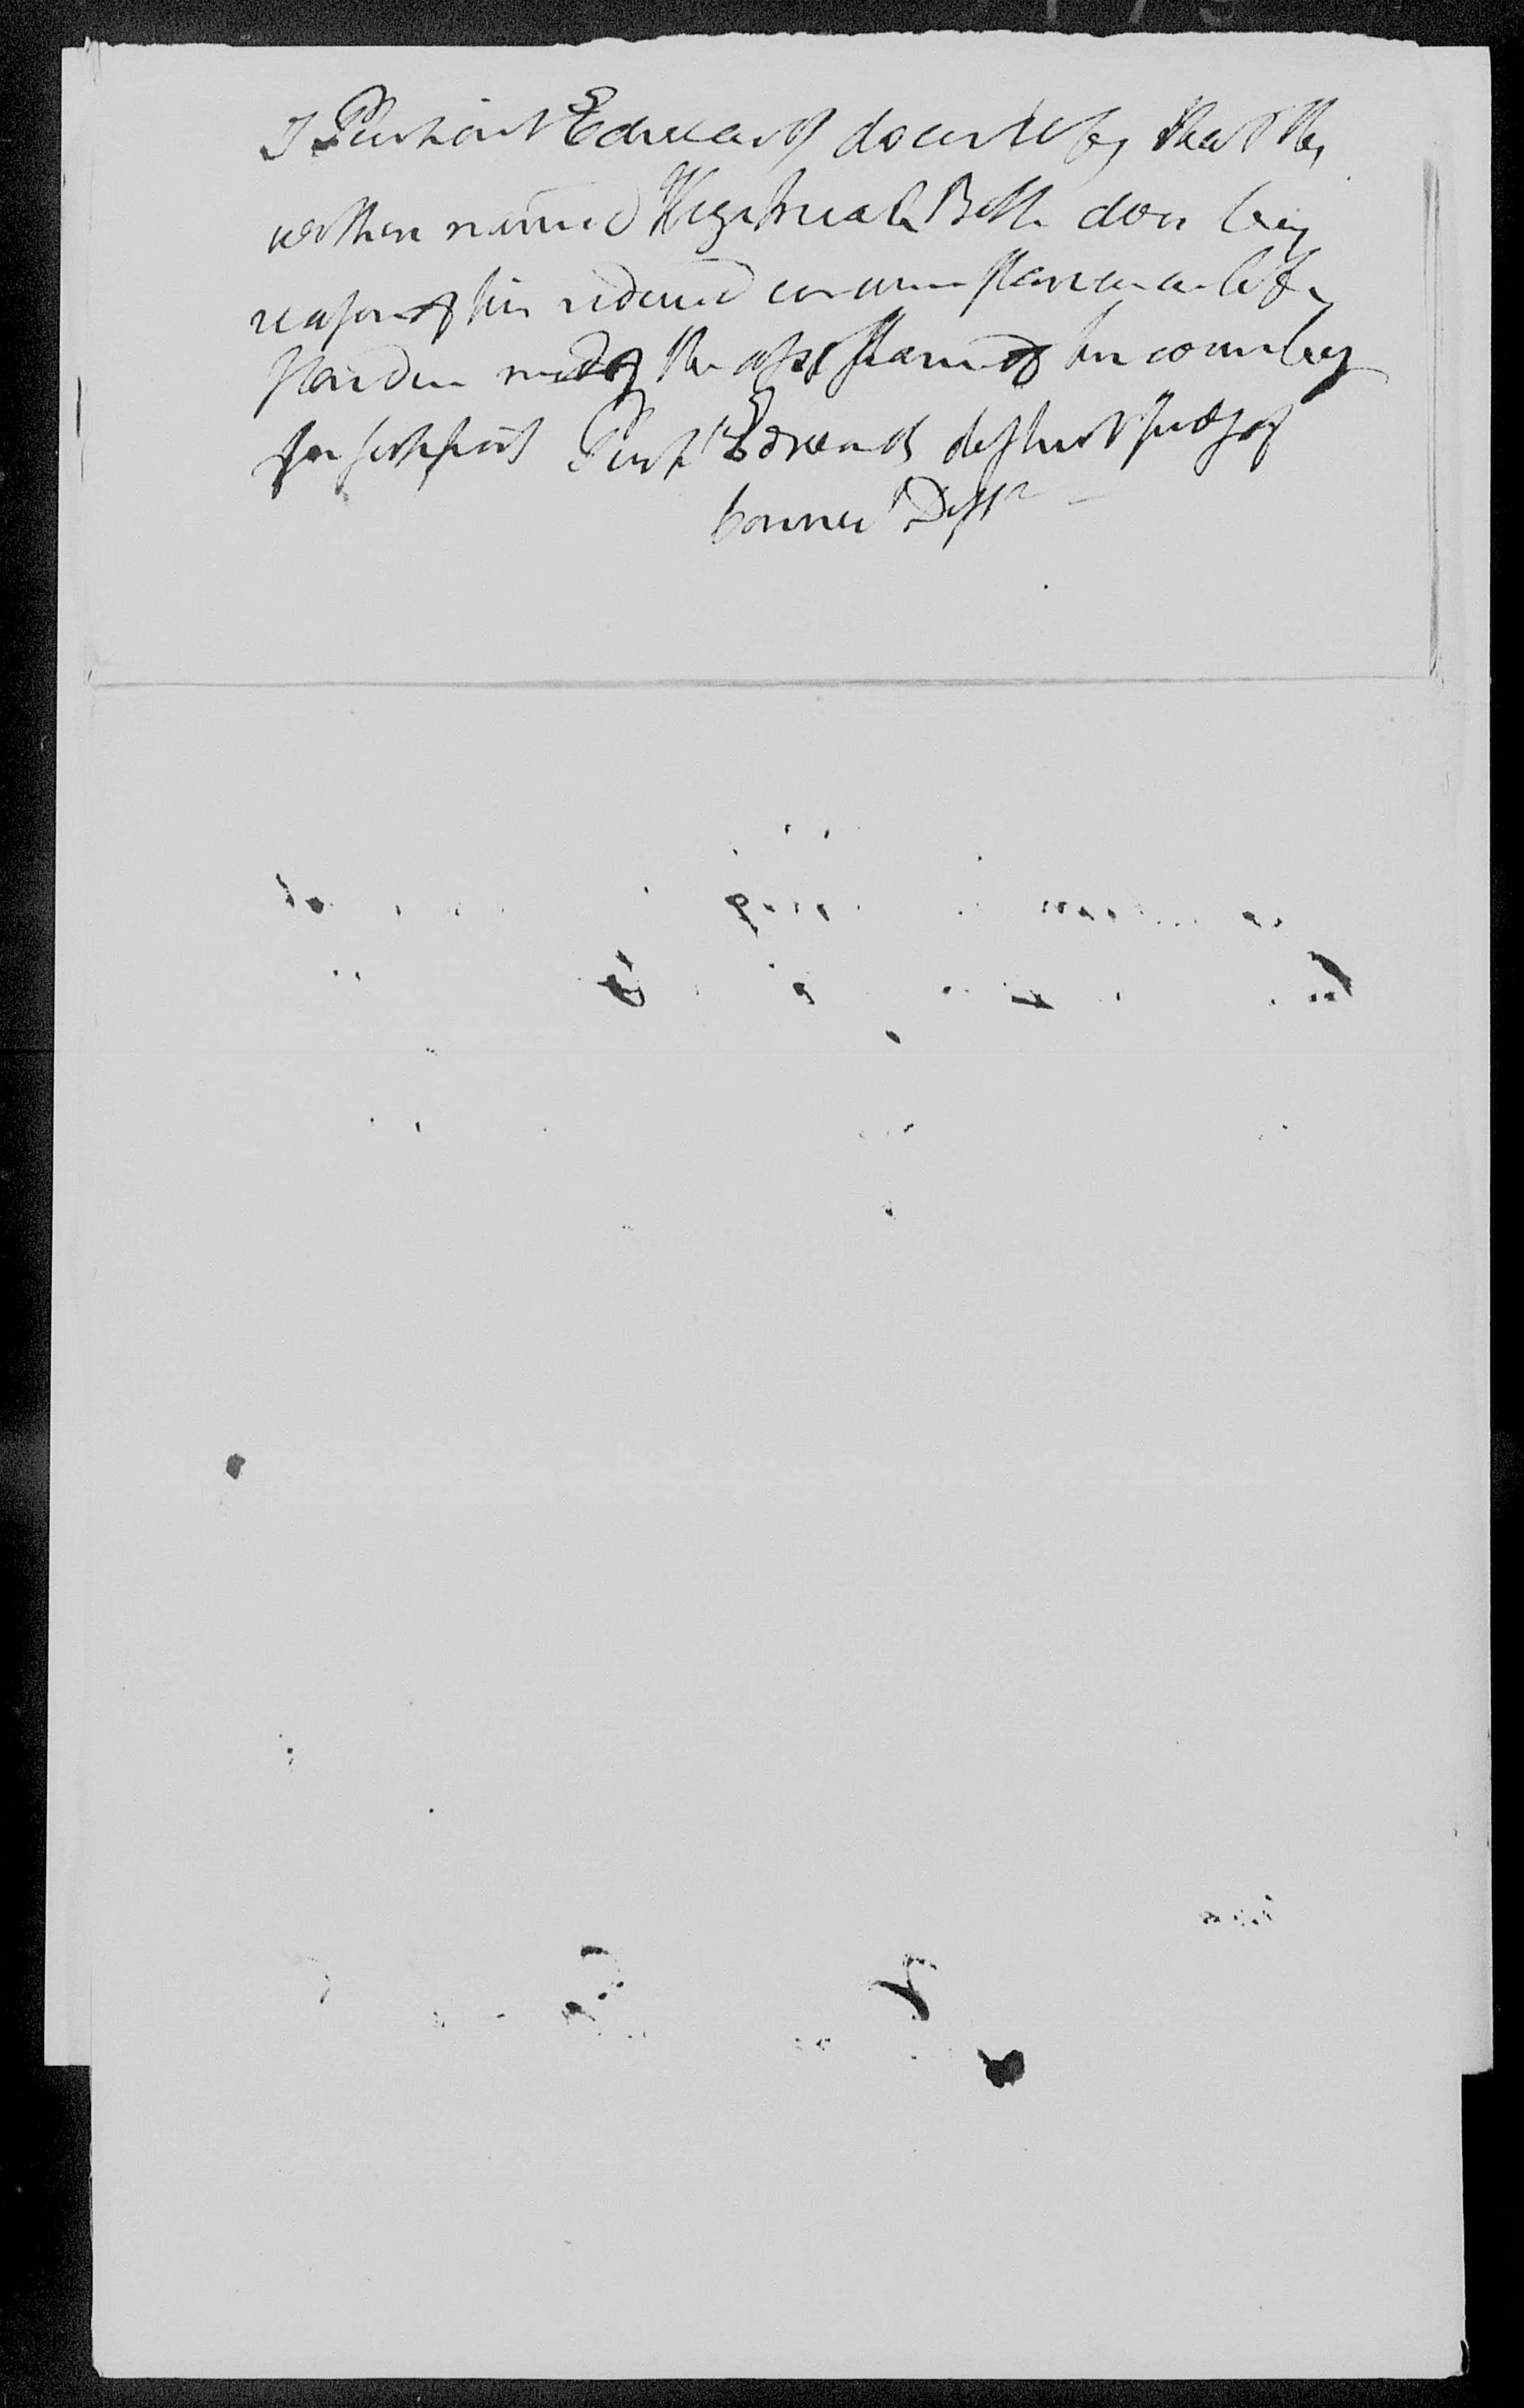I Pierpont Edwards do certify that the within named Hezekiah Betts don by (illegible) of his reduced circumstances (illegible) (illegible) in need of the assistance of country for support 
Pierpt Edwards (illegible) Judge of Conn. Dist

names: Pierpont Edwards, Pierpt Edwads, Hezekiah Betts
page: 27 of 61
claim: widow's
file: W. 29,929, Hezekiah Betts, Conn.